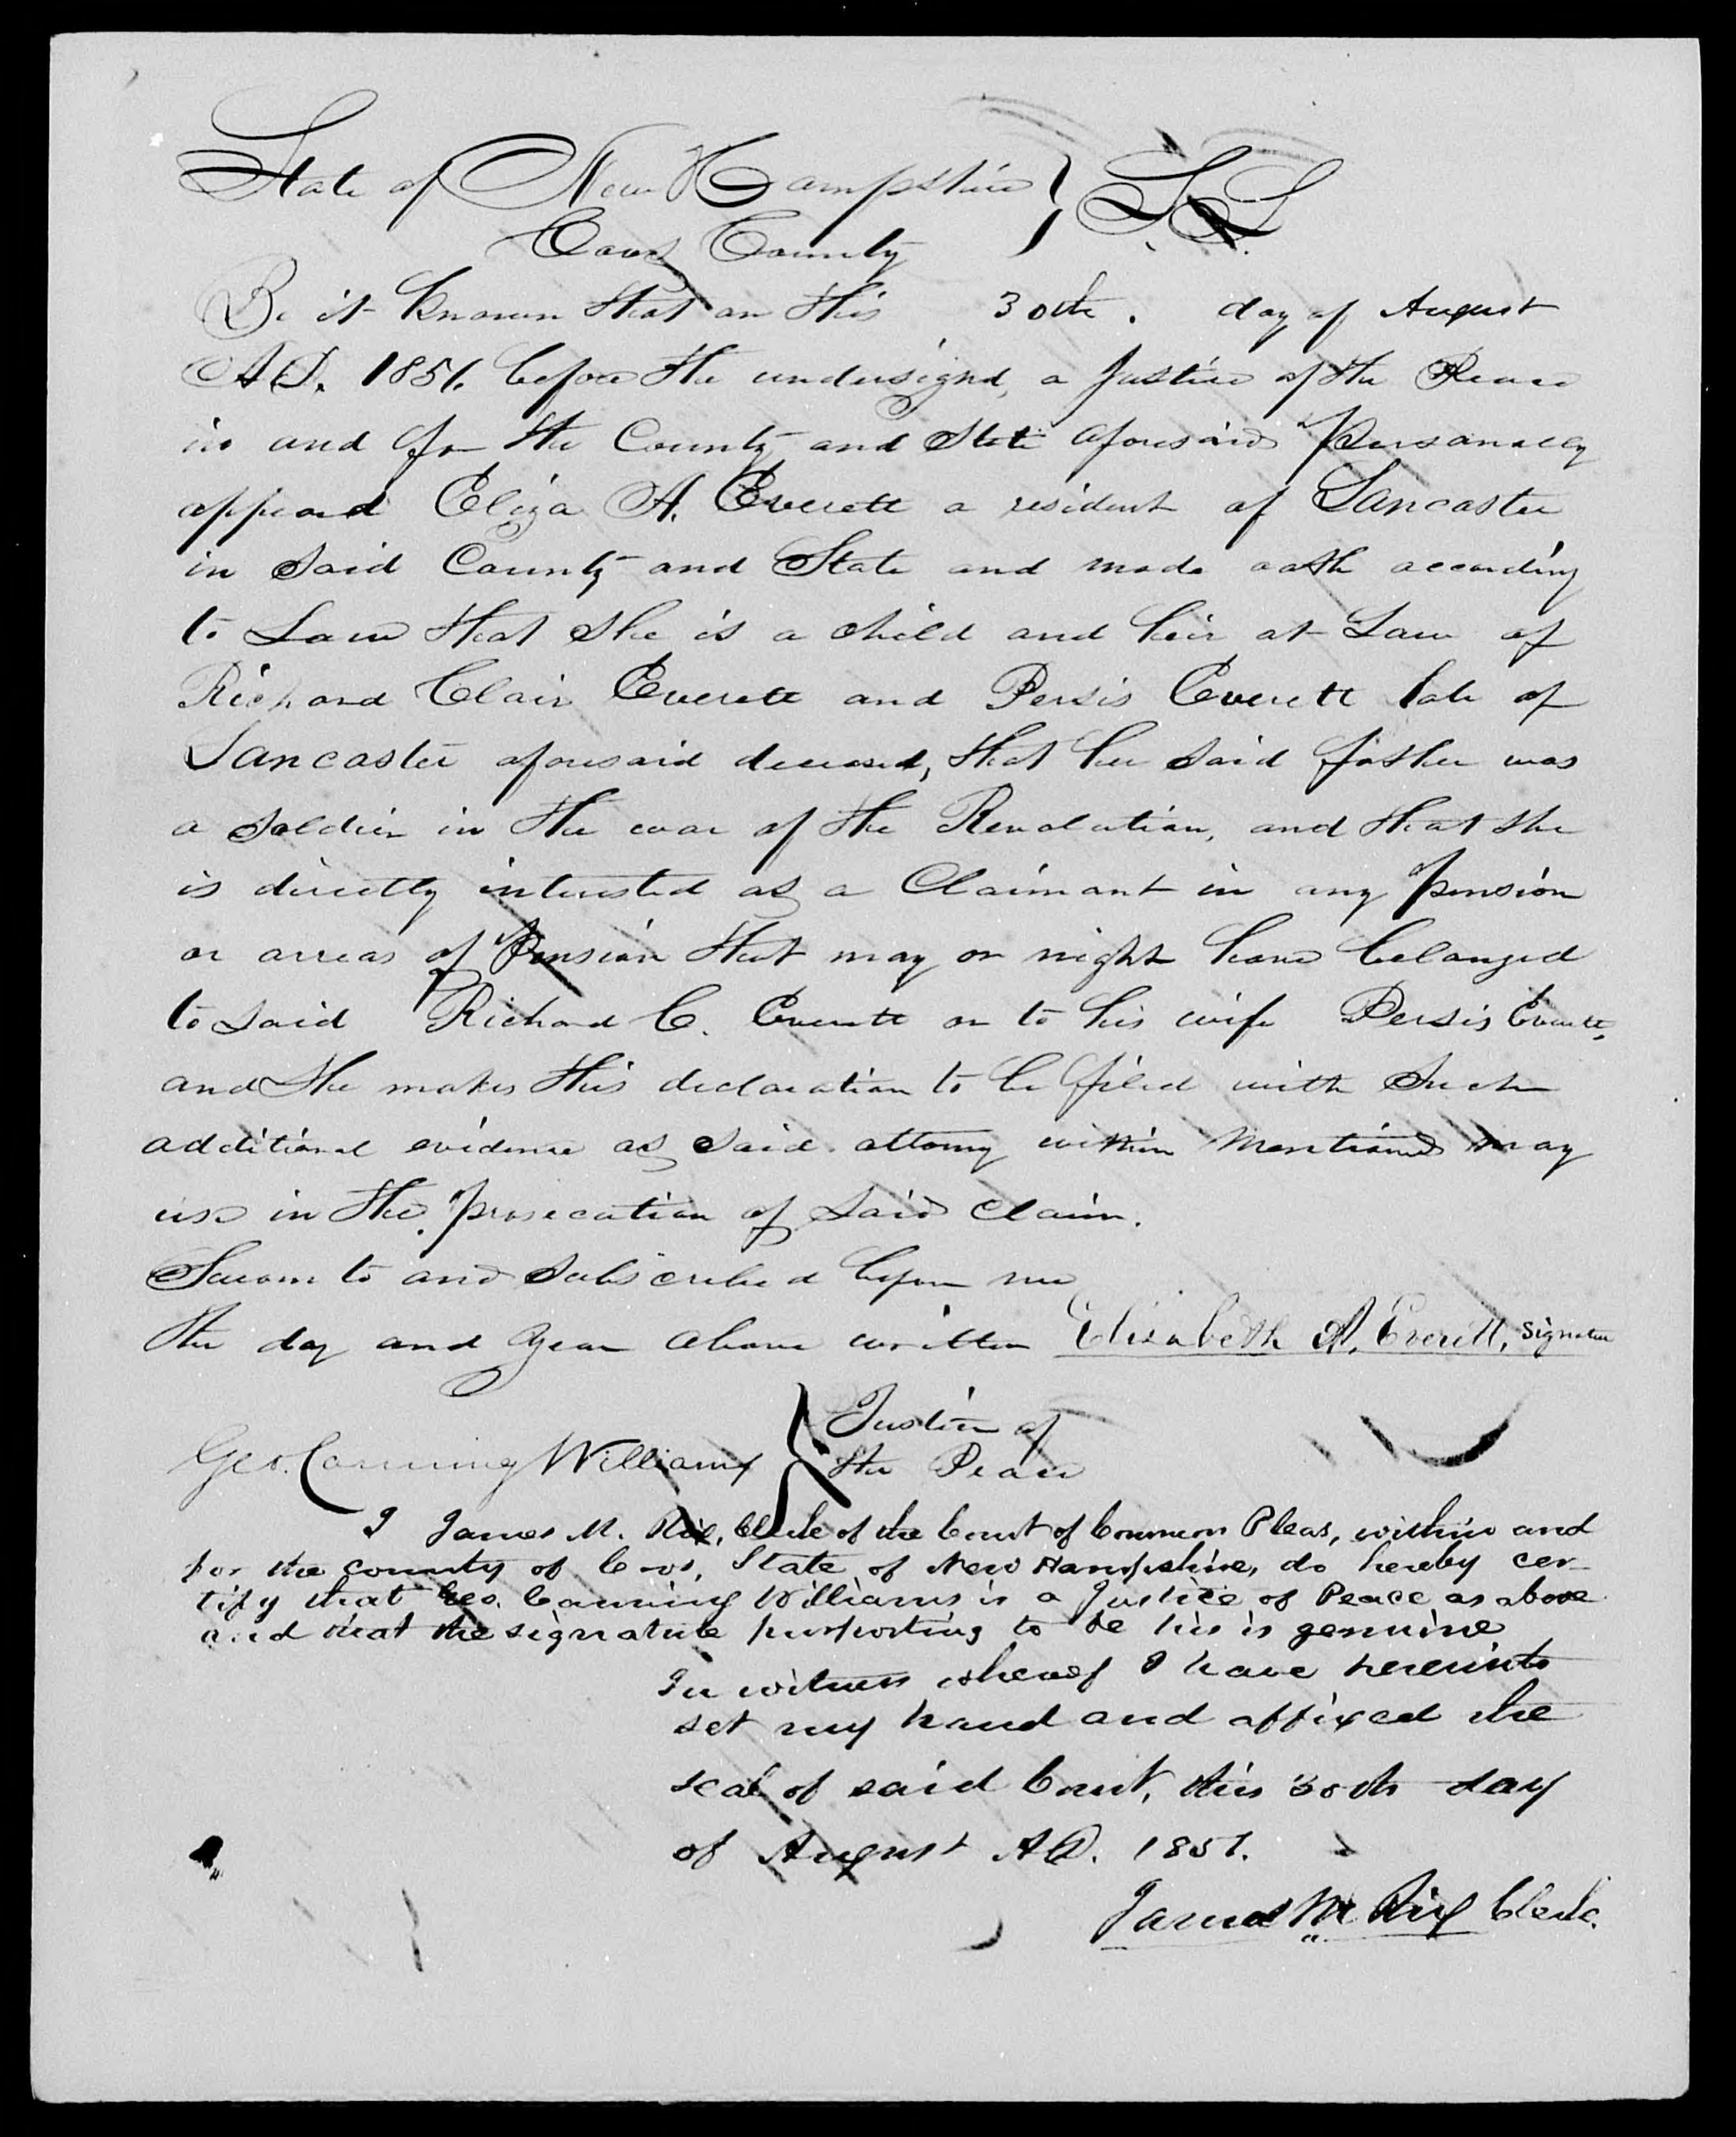State of New Hampshire
Coos County} S.S.
Be it known that on this, 30th, day of August A.D. 1851 before the undersigned, a Justice of the Peace in and for the County and State aforesaid personally appeard [appeared] Eliza A. Everett a resident of Lancaster in said County and State and made oath according to Law that she is a child and heir at Law of Richard Clair Everett and Persis Everett late of Lancaster aforesaid deceased, that her said father was a soldier in the war of the Revolution, and that she is directly interested as a Claimant in any pension or arreas [areas] of pension that may or might have belonged to said Richard C. Everett or to his wife Persis Everett and she makes this declaration to be filed with such additional evidence as said attorney within mentioned may use in the prosecution of said claim.
Sworn to and subscribed before me this day and year above written Elisabeth A. Everett, signature
Geo. Carning Williams} Justice of the Peace
I James M. Rix, Clerk of the Court of Common Pleas, within and for the county of Coos, State of New Hampshire do hereby certify that Geo. Carning Williams is a Justice of Peace as above and that the signature purporting to be his is genuine
In witness whereof I have hereunto set my hand and affixed the seal of said Court, this 30th day of August AD. 1851
James M. Rix Clerk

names: Eliza A Everett, Persis Everett, Elizabeth A Everett, Richard Clair Everett, Geo Canning Williams, James M Rix, Richard C Everett, Persis Everett, James M Rix, Geo Canning Williams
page: 49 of 59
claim: widow's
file: W. 23017, Richard Clair Everett, Mass.